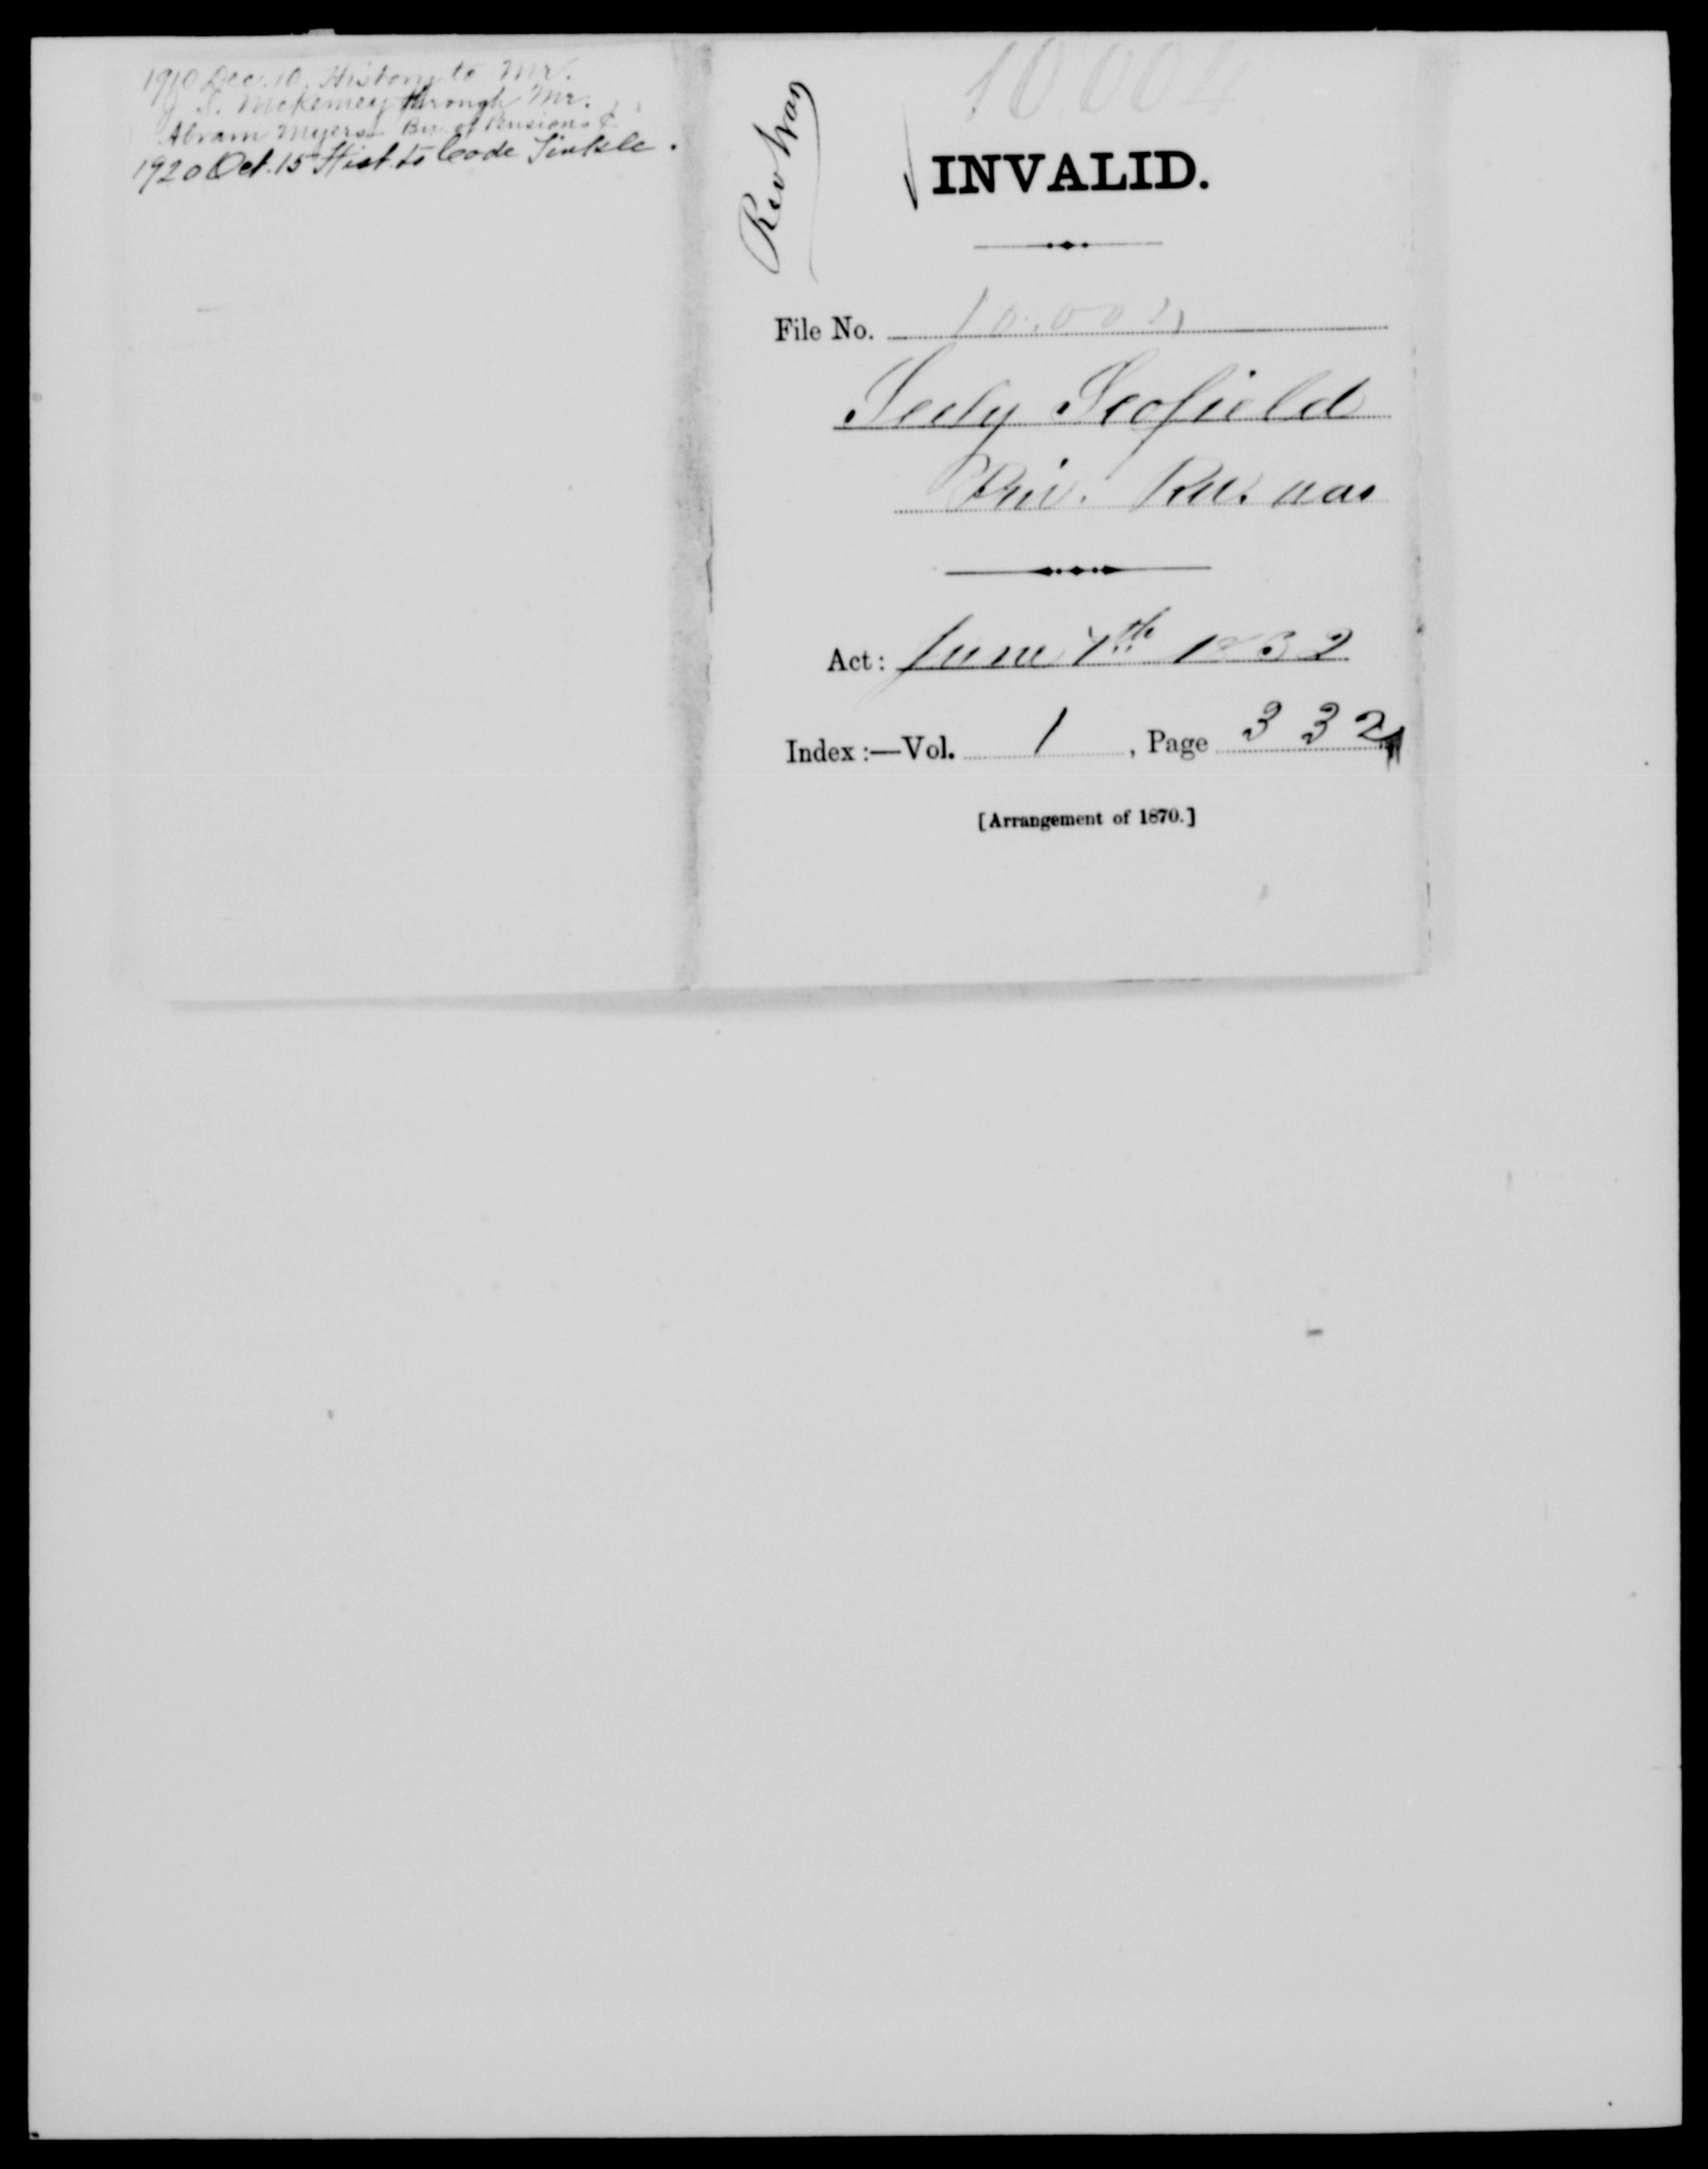1910 Dec. 10 History to Mr. J. S. McKemey through Mr. Abram Myers Bur of Pension 
1920 Oct. 15 Hist to Code Hinkle 
Rev War 
10004
INVALID. 
File No. 10004 
Seely Scofield 
Pri Rev War 
Act: June 7th 1832 
Index: --Vol. 1, Page 332 
[Arrangement of 1870.]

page: 33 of 36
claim: survivor's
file: S. 10,004, for Seely Scofield, Connecticut